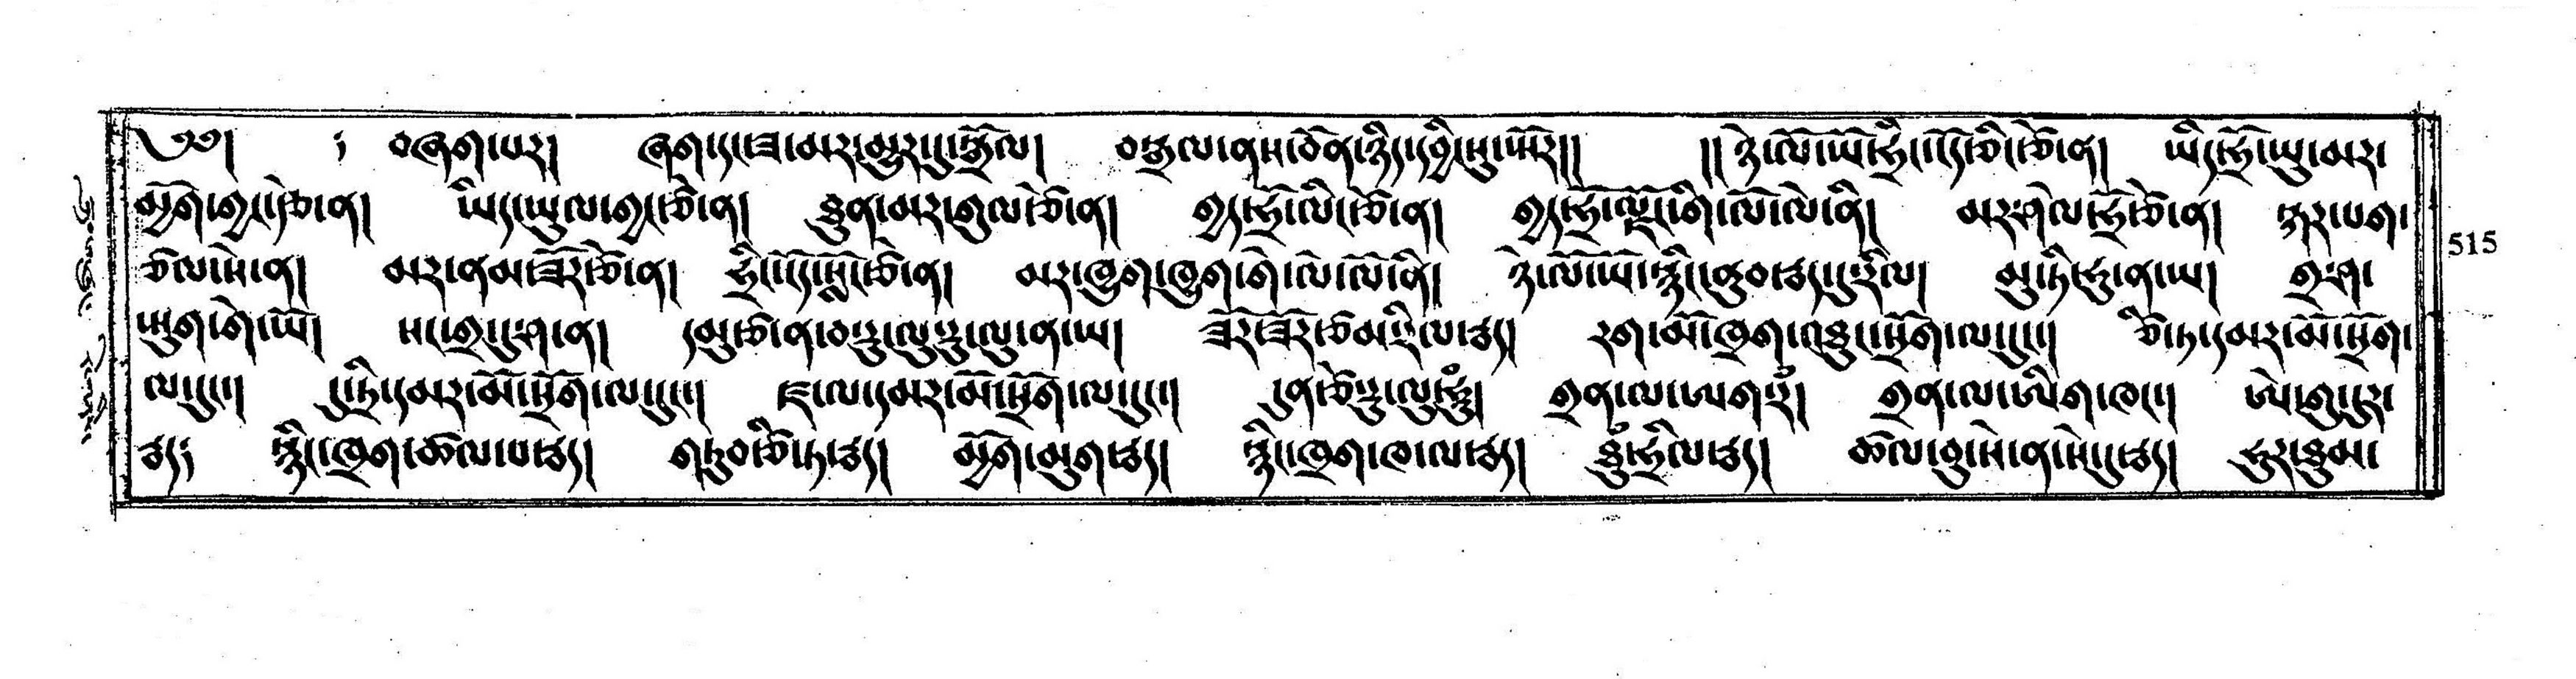བཞག་པར། ཞག་དང་ཟ་མར་མྱུར་དུ་སྒྲོལ། བསྒྲལ་ནས་བོན་ཉིད་དབྱིངས་སུ་སྤོར།། །།ཉེ་ལོ་ཡོ་ཧྲིང་ངོད་ཅིང་ཙེ་ན། ཡིད་{530}ཧྲོ་ཡུ་མར་
མྱོག་གྱང་རྩེ་ན། ཡིད་ཡུལ་གྱང་ཙེ་ན། ཐུན་མར་གུལ་ཙེ་ན། གྱད་ཧྲོ་ལིང་ཙེ་ན། གྱད་ཧྲོ་ལྗོང་གི་ལོ་ལེ་ནི། མར་ཤེལ་ཧྲོ་ཙེ་ན། སྐར་པག་
ཙལ་སེ་ན། མར་ནམ་ཟོར་ཙེ་ན། ཧྲིང་ངོད་སློང་ཙེ་ན། མར་ཁྱུག་ཁྱུག་གེ་ལེ་ལོ་ནི། ཉེ་ལོ་ཡོ་སྙིང་ནུབ་རྦད་དུ་རིལ། མུ་ཏི་ཧུ་ན་ཡ། གྲ་ཤ་
སྤུག་གེ་ཡོ། སང་གྲ་དུ་ཤ་ན། དམུ་ཙ་ན་བ་རུ་ལུ་རུ་ལུ་ན་ཡ། ཟོར་ཟོར་ཙམ་རིལ་རྦད། རག་མོ་ཁྲག་འཐུང་སྲོག་ལ་དུང་། ཙི་ཏ་དམར་མོ་སྲོག་
ལ་དུང་། དུ་ཏྲི་དམར་མོ་སྲོག་ལ་དུང་། ཛ་ལ་དམར་མོ་སྲོག་ལ་དུང་། དུན་ཙེ་རུ་ལུ་ཧཱུྃ། གྲན་ལ་ཨག་རཾ། གྲན་ལ་ཨིག་ཁང་། ཨེ་གུ་དུར་
རྦད། ཧྲིག་གུ་དུར་རྦད། སྙིང་ཁྲག་ཚལ་པ་རྦད། གཏུབ་ཙི་ཏ་རྦད། མྱོག་མུག་རྦད། སྙིང་ཁྲག་ཁ་ལ་རྦད། ཐུམ་ཧྲིལ་རྦད། ཚལ་བུ་སེ་ན་སེ་དུ་རྦད། ཧུར་ཐུམ་